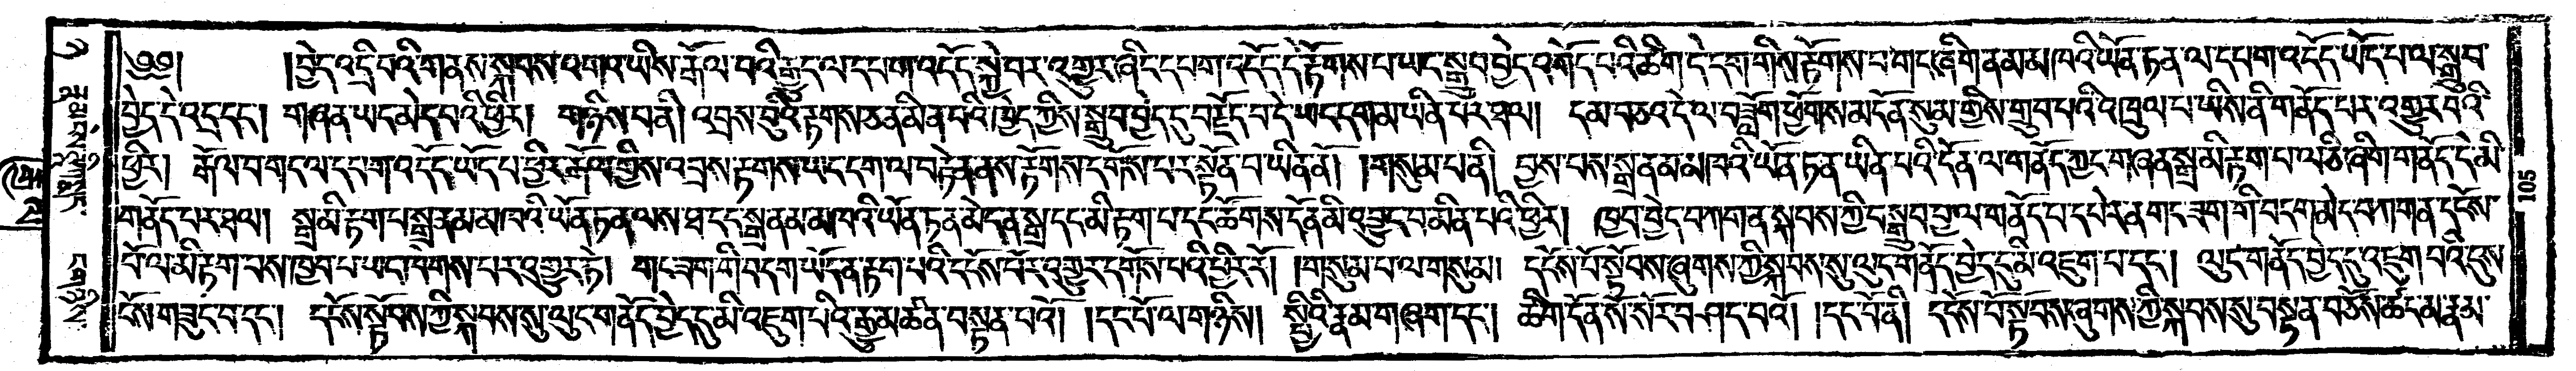༄༅། །བྱེད་འདྲི་བའི་གནས་སྐབས་འགའ་ཡིས་རྒོལ་བའི་རྒྱུད་ལ་དཔག་འདོད་སྐྱེ་བར་འགྱུར་ཞིང་དཔག་འདོད་དེ་རྟོགས་པ་ཡང་སྒྲུབ་བྱེད་འགོད་པའི་ཚིག་དེ་དག་གིས་རྟོགས་པ་གང་ཞིག་ནམ་མཁའི་ཡོན་ཏན་ལ་དཔག་འདོད་ཡོད་པ་ལ་སྒྲུབ་
བྱེད་དེ་འདྲ་དང་། གཞན་ཡང་མེད་པའི་ཕྱིར། གཉིས་པ་ནི། འབྲས་བུའི་རྟགས་ཅན་མིན་པའི་ཁྱེད་ཀྱིས་སྒྲུབ་བྱེད་དུ་བརྗོད་པ་དེ་ཡང་དག་མ་ཡིན་པར་ཐལ། དམ་བཅའ་དེ་ལ་བཟློག་ཕྱོགས་མངོན་སུམ་གྱིས་གྲུབ་པའི་འཁྲུལ་པ་ཡིས་ནི་གནོད་པར་འགྱུར་བའི་
ཕྱིར། རྒོལ་བ་གང་ལ་དཔག་འདོད་ཡོད་པ་ཕྱིར་རྒོལ་གྱིས་འབྲས་རྟགས་ཡང་དག་ལ་བརྟེན་ནས་རྟོགས་དགོས་པར་སྟོན་པ་ཡིན་ནོ། །གསུམ་པ་ནི། བྱས་པས་སྒྲ་ནམ་མཁའི་ཡོན་ཏན་ཡིན་པའི་དོན་ལ་གནོད་ཀྱང་གཞན་སྒྲ་མི་རྟག་པ་ལ་ཅི་ཞིག་གནོད་དེ་མི་
གནོད་པར་ཐལ། སྒྲ་མི་རྟག་པ་སྒྲ་ནམ་མཁའི་ཡོན་ཏན་ལས་ཐ་དད་སྒྲ་ནམ་མཁའི་ཡོན་ཏན་མེད་ན་སྒྲ་དང་མི་རྟག་པ་དང་ཚོགས་དོན་མི་འབྱུང་བ་མིན་པའི་ཕྱིར། ཁྱབ་བྱེད་བཀག་ན་སྐབས་ཀྱི་བསྒྲུབ་བྱ་ལ་གནོད་པ་དཔེར་ན་གང་ཟག་གི་བདག་མེད་བཀག་ན་དངོས་
པོ་ལ་མི་རྟག་པས་ཁྱབ་པ་ཡང་ཁེགས་པར་འགྱུར་ཏེ། གང་ཟག་གི་བདག་ཡོད་ན་རྟག་པའི་དངོས་པོར་འགྱུར་དགོས་པའི་ཕྱིར་རོ། །གསུམ་པ་ལ་གསུམ། དངོས་པོ་སྟོབས་ཞུགས་ཀྱི་སྐབས་སུ་ལུང་གནོད་བྱེད་དུ་མི་འཇུག་པ་དང་། ལུང་གནོད་བྱེད་དུ་འཇུག་པའི་དུས་
ངོས་གཟུང་བ་དང་། དངོས་སྟོབས་ཀྱི་སྐབས་སུ་ལུང་གནོད་བྱེད་དུ་མི་འཇུག་པའི་རྒྱུ་མཚན་བསྟན་པའོ། །དང་པོ་ལ་གཉིས། སྤྱིའི་རྣམ་གཞག་དང་། ཚིག་དོན་སོ་སོར་བཤད་པའོ། །དང་པོ་ནི། དངོས་པོ་སྟོབས་ཞུགས་ཀྱི་སྐབས་སུ་བསྟན་བཅོས་ཚད་མ་རྣམ་